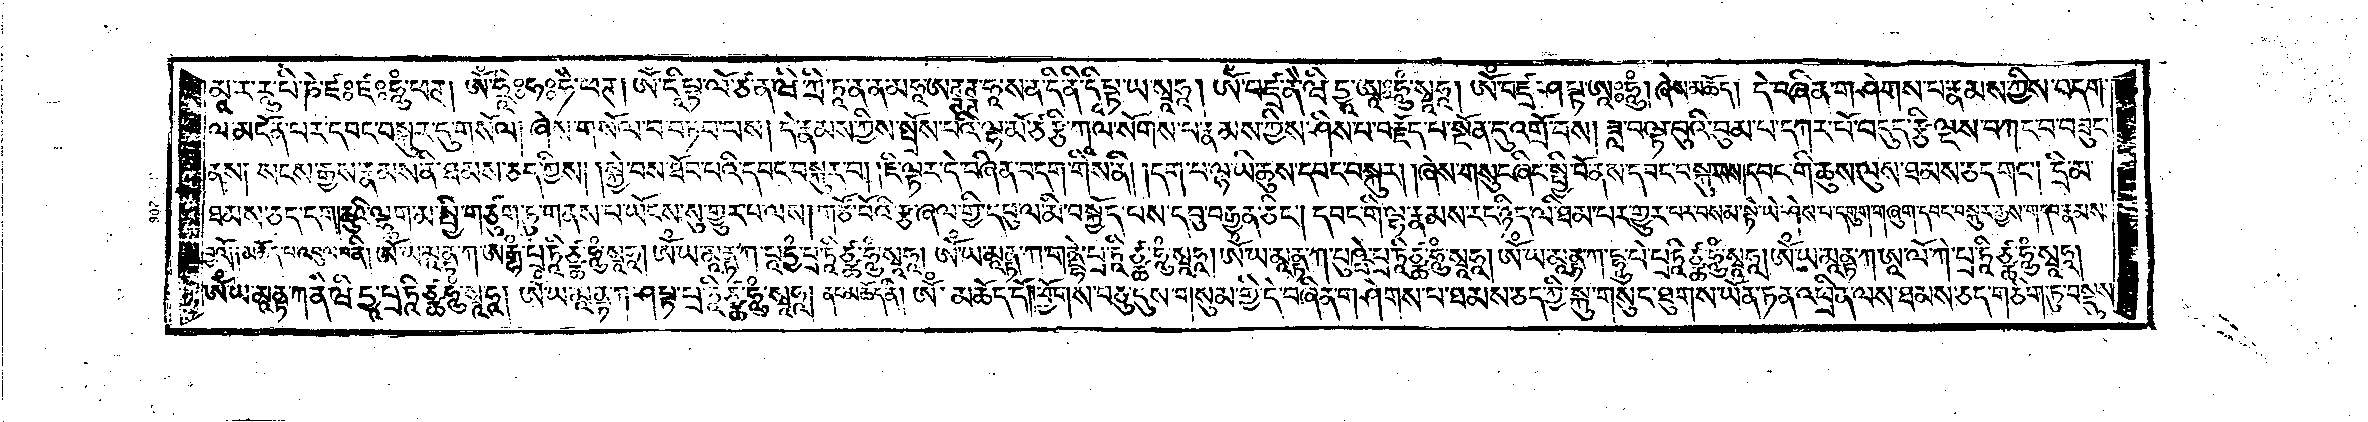མཱ་ར་རཱུ་པི་ཎེ་ཛཿཛཿཧཱུཾ་ཕཊ། ཨོཾ་ཧྲཱིཿཧཿཧཻ་ཕཊ། ཨོཾ་དཱི་པྟ་ལོ་ཙ་ན་ཝི་ཀྲི་ཏཱ་ན་ན་མ་ཧཱ་ཨཏྟ་ཏྟ་ཧཱ་ས་ན་དི་ནི་དཱི་པྟ་ཡ་སྭཱ་ཧཱ། ཨོཾ་བཛྲ་ནཻ་ཝི་དྱཱ་ཨཱཿ ཧཱུཾ་སྭཱ་ཧཱ། ཨོཾ་བཛྲ་ཤ་པྟ་ཨཱཿ ཧཱུཾ། ཞེས་མཆོད།  དེ་བཞིན་གཤེགས་པ་རྣམས་ཀྱིས་བདག་
ལ་མངོན་པར་དབང་བསྐུར་དུ་གསོལ། ཞེས་གསོལ་བ་བཏབ་པས། དེ་རྣམས་ཀྱིས་སྤྲོས་པའི་ལྷ་མོ་ཙ་ཙི་ཀཱ་ལ་སོགས་པ་རྣམས་ཀྱིས་ཤིས་པ་བརྗོད་པ་སྔོན་དུ་འགྲོ་བས། ཟླ་བ་ལྟ་བུའི་བུམ་པ་དཀར་པོ་བདུད་རྩི་ལྔས་བཀང་བ་བཟུང་
ནས༑ སངས་རྒྱས་རྣམས་ནི་ཐམས་ཅད་ཀྱིས། །སྐྱེ་བས་ཐོབ་པའི་དབང་བསྐུར་བ། །ཇི་ལྟར་དེ་བཞིན་བདག་གིས་ནི། །དག་པ་ལྷ་ཡི་ཆུས་དབང་བསྐུར། །ཞེས་གསུང་ཞིང་སྤྱི་བོ་ནས་དབང་བསྐུར་བས། དབང་གི་ཆུས་ལུས་ཐམས་ཅད་གང་། དྲི་མ་
ཐམས་ཅད་དག །ནུའི་ལྷག་མ་སྤྱི་གཙུག་ཏུ་གནས་པ་ཡོངས་སུ་གྱུར་པ་ལས། གཙོ་བོའི་རྩ་ཞལ་གྱི་དབུ་ལ་མི་བསྐྱོད་པས་དབུ་བརྒྱན་ཅིང་། དབང་གི་ལྷ་རྣམས་རང་ཉིད་ལ་ཐིམ་པར་གྱུར་པར་བསམ་སྟེ་ཡེ་ཤེས་པ་དགུག་གཞུག་དབང་བསྐུར་རྒྱས་གདབ་རྣམས་
བྱའོ༑ ༑མཆོད་པ་འབུལ་བ་ནི། ཨོཾ་ཡམཱ་ནྟ་ཀ་ཨརྒྷཾ་པྲ་ཏཱི་ཙྪ་ཧཱུཾ་སྭཱཧཱ། ཨོཾ་ཡ་མཱ་ནྟ་ཀ་པཱདྱཾ་པྲ་ཏཱི་ཙྪ་ཧཱུཾ་སྭཱཧཱ། ཨོཾ་ཡ་མཱནྟ་ཀ་གནྡྷེ་པྲ་ཏཱི་ཙྪ་ཧཱུཾ་སྭཱཧཱ། ཨོཾ་ཡ་མཱནྟ་ཀ་པུཥྤེ་པྲ་ཏཱི་ཙྪ་ཧཱུཾ་སྭཱཧཱ། ཨོཾ་ཡ་མཱནྟ་ཀ་དྷཱུ་པེ་པྲ་ཏཱི་ཙྪ་ཧཱུཾ་སྭཱཧཱ། ཨོཾ་ཡ་མཱནྟ་ཀ་ཨཱ་ལོ་ཀེ་པྲ་ཏཱི་ཙྪ་ཧཱུཾ་སྭཱཧཱ།
ཨོཾ་ཡ་མཱནྟ་ཀ་ནི་ཝི་དྱཱ་པྲ་ཏཱི་ཙྪ་ཧཱུཾ་སྭཱཧཱ། ཨོཾ་ཡ་མཱནྟ་ཀ་ཤཔྟ་པྲ་ཏཱི་ཙྪ་ཧཱུཾ་སྭཱཧཱ། ནང་མཆོད་ནི།  ཨོཾ་མཆོད་དོ། །ཕྱོགས་བཅུ་དུས་གསུམ་གྱི་དེ་བཞིན་གཤེགས་པ་ཐམས་ཅད་ཀྱི་སྐུ་གསུང་ཐུགས་ཡོན་ཏན་འཕྲིན་ལས་ཐམས་ཅད་གཅིག་ཏུ་བསྡུས་